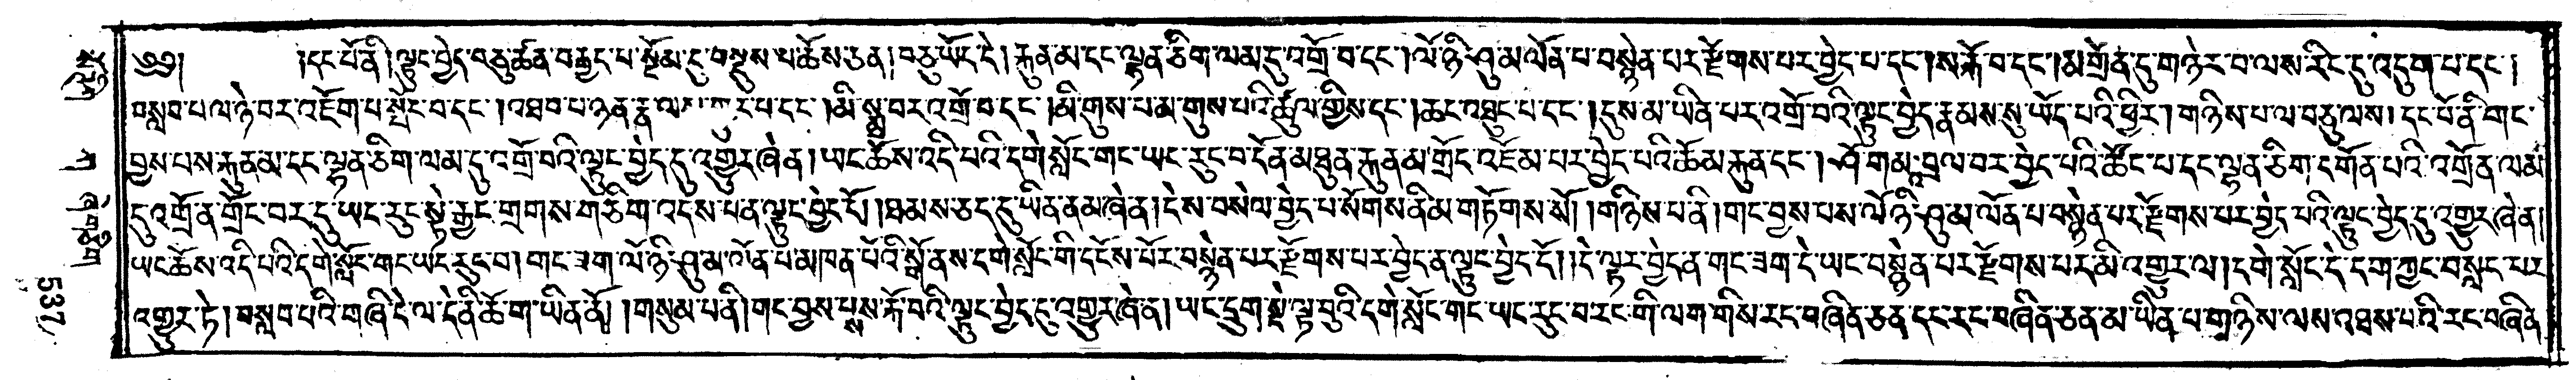༄༅། །དང་པོ་ནི། ལྟུང་བྱེད་བཅུ་ཚན་བརྒྱད་པ་སྔོམ་དུ་བསྡུས་པ་ཆོས་ཅན། བཅུ་ཡོད་དེ། རྐུན་མ་དང་ལྷན་ཅིག་ལམ་དུ་འགྲོ་བ་དང་། ལོ་ཉི་ཤུ་མ་ལོན་པ་བསྙེན་པར་རྫོགས་པར་བྱེད་པ་དང་། ས་རྐོ་བ་དང་། མགྲོན་དུ་གཉེར་བ་ལས་རིང་དུ་འདུག་པ་དང་།
བསླབ་པ་ལ་ཉེ་བར་འཇོག་པ་སྤོང་བ་དང་།འཐབ་པ་ཉན་རྣ་ལས་གྱུར་པ་དང་།མི་སྨྲ་བར་འགྲོ་བ་དང་། མི་གུས་པ་མ་གུས་པའི་ཚུལ་གྱིས་དང་། ཆང་འཐུང་པ་དང་།དུས་མ་ཡིན་པར་འགྲོ་བའི་ལྟུང་བྱེད་རྣམས་སུ་ཡོད་པའི་ཕྱིར། གཉིས་པ་ལ་བཅུ་ལས། དང་པོ་ནི་གང་
བྱས་པས་རྐུན་མ་དང་ལྷན་ཅིག་ལམ་དུ་འགྲོ་བའི་ལྟུང་བྱེད་དུ་འགྱུར་ཞེ་ན། ཡང་ཆོས་འདི་པའི་དགེ་སློང་གང་ཡང་རུང་བ་དོན་མཐུན་རྐུན་མ་གྲོང་འཇོམ་པར་བྱེད་པའི་ཆོམ་རྐུན་དང་། ཤོ་གམ་འབྲལ་བར་བྱེད་པའི་ཚོང་པ་དང་ལྷན་ཅིག་དགོན་པའི་འགྲོན་ལམ་
དུ་འགྲོ་ན་གྲོང་བར་དུ་ཡང་རུང་སྟེ་རྒྱང་གྲགས་གཅིག་འདས་ཉི་ཤུ་མ་ལོན་པ་མཁན་པོའི་སྒོ་ནས་དགེ་སློང་གི་དངོས་པོར་བྱེད་པ་སོགས་ནི་མ་གཏོགས་སོ། །གཉིས་པ་ནི། གང་བྱས་པས་ལོ་ཉི་ཤུ་མ་ལོན་པ་བསྙེན་པར་རྫོགས་པར་བྱེད་པའི་ལྟུང་བྱེད་དུ་འགྱུར་ཞེ་ན།
ཡང་ཆོས་འདི་པའི་དགེ་སློང་གང་ཡང་རུང་བ། གང་ཟག་ལོ་ཉི་ཤུ་མ་ལོན་པ་མཁན་པོའི་སྒོ་ནས་དགེ་སློང་གི་དངོས་པོར་བསྙེན་པར་རྫོགས་པར་བྱེད་ན་ལྟུང་བྱེད་དོ། །དེ་ལྟར་བྱེད་ན་གང་ཟག་དེ་ཡང་བསྙེན་པར་རྫོགས་པར་མི་འགྱུར་ལ། དགེ་སློང་དེ་དག་ཀྱང་བསླང་པར་
འགྱུར་ཏེ། བསླབ་པའི་གཞི་དེ་ལ་དེ་ནི་ཆོ་ག་ཡིན་ནོ། །གསུམ་པ་ནི། གང་བྱས་པས་རྐོ་བའི་ལྟུང་བྱེད་དུ་འགྱུར་ཞེ་ན། ཡང་དྲུག་སྡེ་ལྟ་བུའི་དགེ་སློང་གང་ཡང་རུང་བ་རང་གི་ལག་གིས་རང་བཞིན་ཅན་དང་རང་བཞིན་ཅན་མ་ཡིན་པ་གཉིས་ལས་འཐས་པའི་རང་བཞིན་